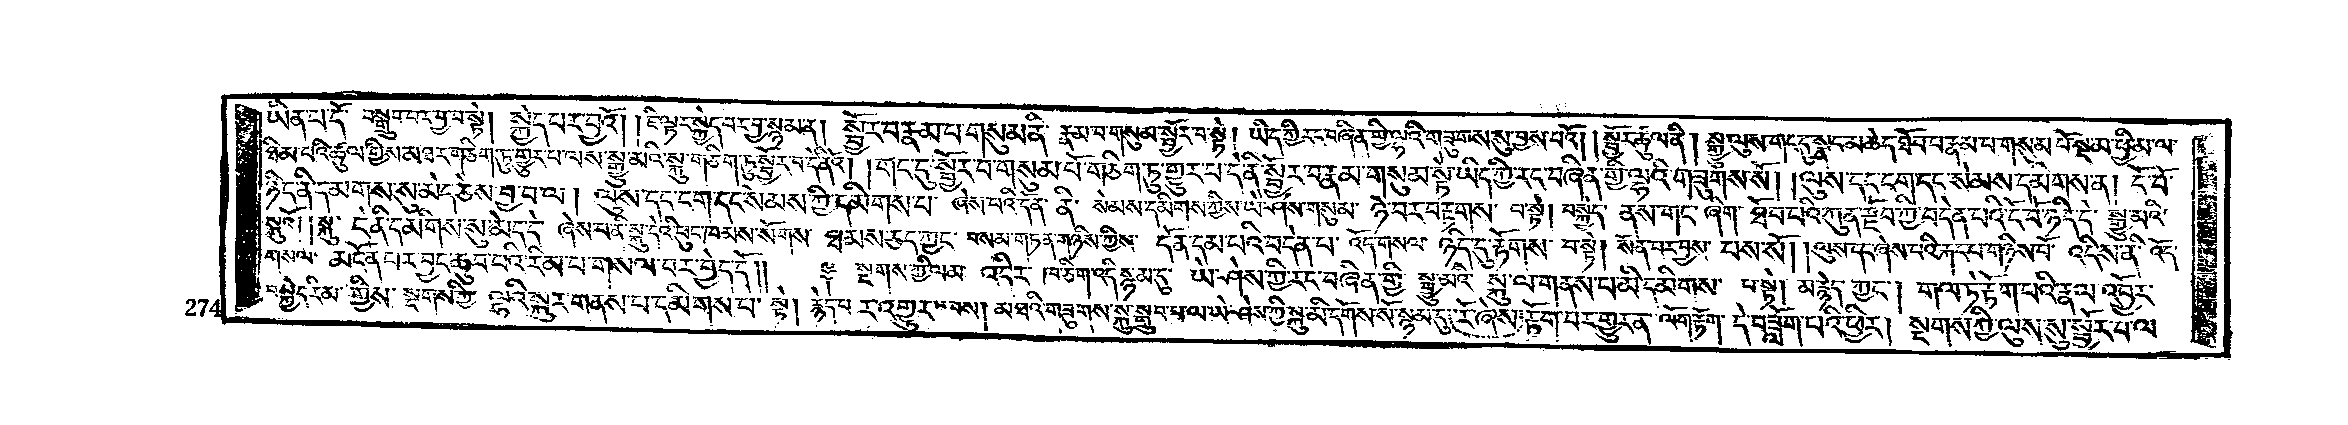ཡིན་པ་དེ་བསྒྲུབ་པར་བྱ་བ་སྟེ།  སྐྱེད་པར་བྱའོ། ། ཇི་ལྟར་སྐྱེད་པར་བྱ་སྙམ་ན།  སྦྱོར་བ་རྣམ་པ་གསུམ་ནི་རྣམ་པ་གསུམ་སྦྱོར་བ་སྟེ། ཡིད་ཀྱི་རང་བཞིན་གྱི་ལྷའི་གཟུགས་སུ་བྱས་པའོ། །སྦྱོར་ཚུལ་ནི། སྒྱུ་ལུས་གང་དུ་སྣང་མཆེད་ཐོབ་པ་རྣམ་པ་གསུམ་པོ་སྔ་མ་ཕྱི་མ་ལ་
ཐིམ་པའི་ཚུལ་གྱིས་མཐར་གཅིག་ཏུ་གྱུར་པ་ལས་སྒྱུ་མའི་སྐུ་གཅིག་ཏུ་སྦྱོར་བ་དེ་ནིའོ། །གང་དུ་སྦྱོར་བ་གསུམ་པོ་གཅིག་ཏུ་གྱུར་པ་དེ་ནི་སྦྱོར་བ་རྣམ་གསུམ་སྟེ་ཡིད་ཀྱི་རང་བཞིན་གྱི་ལྷའི་གཟུགས་སོ། །ལུས་དང་ངག་དང་སེམས་དམིགས་ན། ངོ་བོ་
ཉིད་ནི་དམིགས་སུ་མེད་ཅེས་བྱ་བ་ལ། ལུས་དང་ངག་དང་སེམས་ཀྱི་དམིགས་པ་ཞེས་པའི་དོན་ནི་སེམས་དམིགས་ཀྱིས་ཡེ་ཤེས་གསུམ་ཉེ་བར་བརྟགས་པ་སྟེ། བསྐྱེད་ནས་གང་ཞིག་ཐོབ་པའི་ཀུན་རྫོབ་ཀྱི་བདེན་པའི་ངོ་བོ་ཉིད་དེ་སྒྱུ་མའི་
སྐུའོ། །སྐུ་དེ་ནི་དམིགས་སུ་མེད་དེ་ཞེས་པ་ནི་སྐུ་དེའི་ཕུང་ཁམས་སོགས་ཐམས་ཅད་ཀྱང་བསམ་གཏན་གཉིས་ཀྱིས་དོན་དམ་པའི་བདེན་པ་འོད་གསལ་ཉིད་དུ་རྟོགས་པ་སྟེ། སོན་པར་བྱས་པས་སོ། ། ལུས་དང་ཞེས་པའི་རྐང་པ་གཉིས་པོ་འདིས་ནི་འོད་
གསལ་མངོན་པར་བྱང་ཆུབ་པའི་རིམ་པ་གསལ་བར་བྱེད་དོ།། ༈ སྔགས་ཀྱི་ལམ་འདིར་ཁ་ཅིག་འདི་སྙམ་དུ་ཡེ་ཤེས་ཀྱི་རང་བཞིན་གྱི་སྒྱུ་མའི་སྐུ་ལ་གནས་པ་མི་དམིགས་པ་སྟེ། མ་རྙེད་ཀྱང་། གལ་ཏེ་རྟོག་པའི་རྣལ་འབྱོར་
བསྐྱེད་རིམ་གྱིས་སྔགས་ཀྱི་ལྷའི་སྐུར་གནས་པ་དམིགས་པ་སྟེ། རྙེད་པར་འགྱུར་བས། མཐའི་གཟུགས་སྐུ་སྒྲུབ་པ་ལ་ཡེ་ཤེས་ཀྱི་སྐུ་མི་དགོས་སོ་སྙམ་དུ་རོ་ཞེས་རྟོག་པར་གྱུར་ན་ལོག་རྟོག་དེ་བཟློག་པའི་ཕྱིར། སྔགས་ཀྱི་ལུས་སུ་སྦྱོར་པ་ལ་